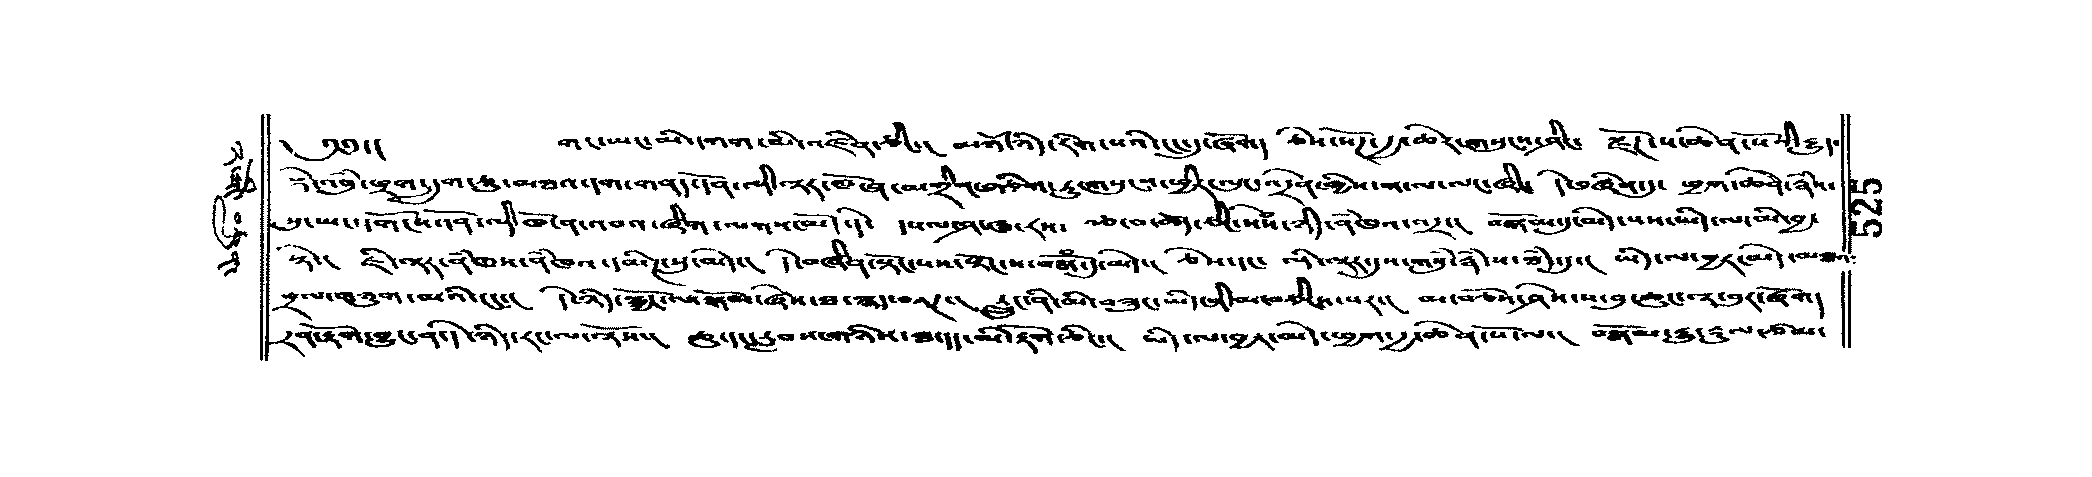། གང་ཡང་མི་དགག་མི་འཛིན་ཅིང་། །མཉམ་ཉིད་རང་སའི་ངང་དུ་ཞོག ཅེས་སོགས་རྒྱ་ཆེར་གསུངས་ཤིང་། རྫོགས་པ་ཆེན་པོའི་རྒྱུད་
སྡེ་འབུམ་ཕྲག་དྲུག་ཅུ་མཐའ་དག་གནད་དོན་འདི་ལྟར་ཁོ་ན་མགྲིན་གཅིག་ཏུ་གསུངས་ཕྱིར་ལུང་འདྲེན་གྱིས་ག་ལ་ལང་ཞིང་། དེ་བཞིན་དུ། ཕྱག་ཆེན་རྣམས་
སུ་ཡང་དགོངས་དོན་འདི་ཁོ་ན་འབའ་ཞིག་ལགས་མོད་དེ།དཔལ་ཤ་ཝ་རིས། རྩ་བ་ཆོད་ཅིང་སེམས་ཉིད་ནམ་མཁའ་འདྲ། །བསྒོམ་དུ་མེད་པས་ཡིད་ལ་མི་བྱ་
སྟེ། །ཇི་ལྟར་ནམ་མཁས་ནམ་མཁའ་དམིགས་སུ་མེད། །དེ་བཞིན་སྟོང་པས་སྟོང་པ་བསྒོམ་དུ་མེད། ཅེས་དང་། འདི་ལྟར་དུས་གསུམ་རྣམ་པ་ཐམས་ཅད་དུ། །ཡིད་ལ་བྱར་མེད་མཐའ་
བྲལ་གཉུག་མའི་ངང་། །དེ་ཉིད་སྐྱོང་ལ་སྒོམ་ཞེས་ཐ་སྙད་བཏགས། །རླུང་གི་མི་བཟུང་ཡིད་ནི་མ་བཅིངས་པར། །མ་བཅོས་ཤེས་པ་བུ་ཆུང་ལྟ་བུར་ཞོག །
དྲན་རྟོག་བྱུང་ན་དེ་ཉིད་རང་ལ་ལྟོས། །ཆུ་དང་རླབས་གཉིས་ཐ་དད་མི་རྟོག་ཅིང་། །ཡིད་ལ་བྱང་མེད་ཕྱག་རྒྱ་ཆེན་པོ་ལ། །བསྒོམ་རྒྱུ་རྡུལ་ཙམ་